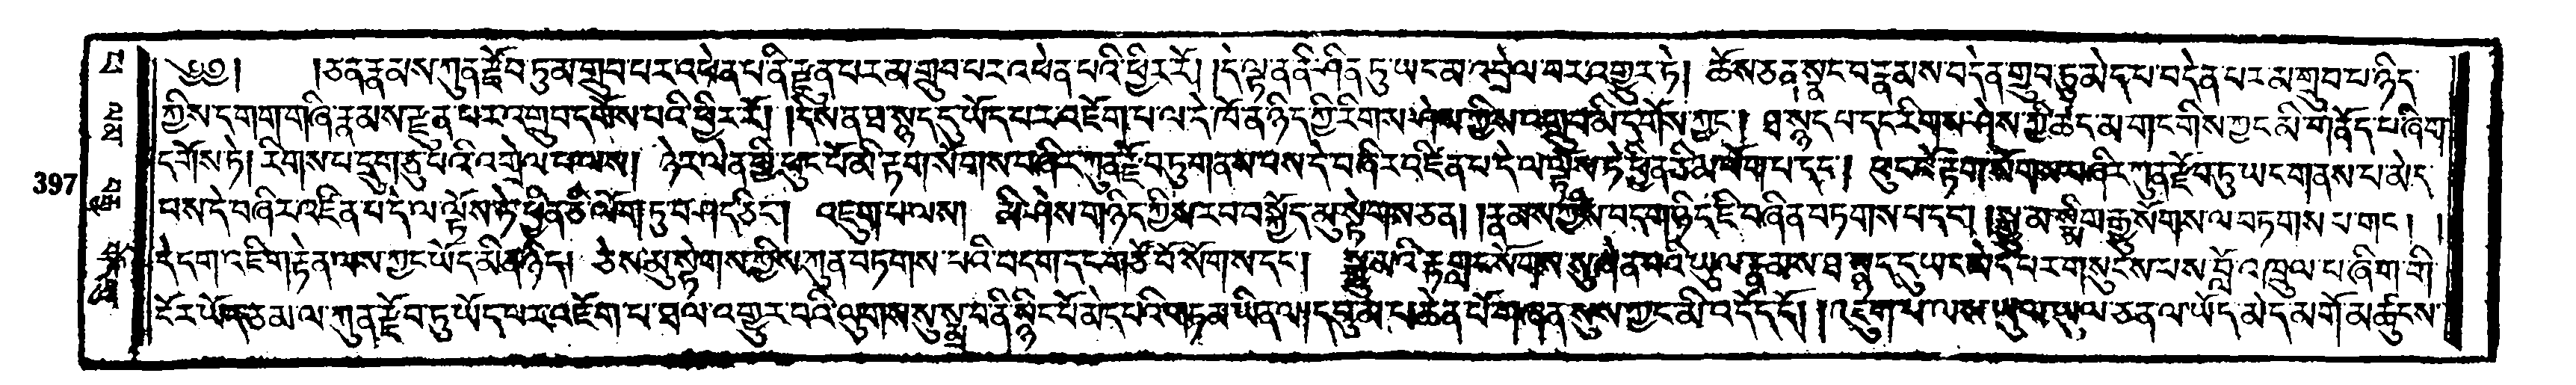༄༅། །ཅན་རྣམས་ཀུན་རྫོབ་ཏུ་མ་གྲུབ་པར་འཕེན་པ་ནི་རྫུན་པར་མ་གྲུབ་པར་འཕེན་པའི་ཕྱིར་རོ། །དེ་ལྟ་ན་ནི་ཤིན་ཏུ་ཡང་མ་འབྲེལ་བར་འགྱུར་ཏེ། ཆོས་ཅན་སྣང་བ་རྣམས་བདེན་གྲུབ་ཏུ་མེད་པ་བདེན་པར་མ་གྲུབ་པ་ཉིད་
ཀྱིས་དགག་གཞི་རྣམས་རྫུན་པར་འགྲུབ་དགོས་པའི་ཕྱིར་རོ། །དེས་ན་ཐ་སྙད་དུ་ཡོད་པར་འཇོག་པ་ལ་དེ་ཁོ་ན་ཉིད་ཀྱི་རིགས་ཤེས་ཀྱིས་འགྲུབ་མི་དགོས་ཀྱང་། ཐ་སྙད་པ་དང་རིགས་ཤེས་ཀྱི་ཚད་མ་གང་གིས་ཀྱང་མི་གནོད་པ་ཞིག་
དགོས་ཏེ། རིགས་པ་དྲུག་ཅུ་པའི་འགྲེལ་པ་ལས། ཉེར་ལེན་གྱི་ཕུང་པོ་མི་རྟག་སོགས་བཞིར་ཀུན་རྫོབ་ཏུ་གནས་པས་དེ་བཞིར་འཛིན་པ་དེ་ལ་ལྟོས་ཏེ་ཕྱིན་ཅི་མ་ལོག་པ་དང་། ཕུང་པོ་རྟག་སོགས་བཞིར་ཀུན་རྫོབ་ཏུ་ཡང་གནས་པ་མེད་
པས་དེ་བཞིར་འཛིན་པ་དེ་ལ་ལྟོས་ཏེ་ཕྱིན་ཅི་ལོག་ཏུ་བཤད་ཅིང་། འཇུག་པ་ལས། མི་ཤེས་གཉིད་ཀྱིས་རབ་བསྐྱོད་མུ་སྟེགས་ཅན། །རྣམས་ཀྱིས་བདག་ཉིད་ཇི་བཞིན་བཏགས་པ་དང་། །སྒྱུ་མ་སྨིག་རྒྱུ་སོགས་ལ་བཏགས་པ་གང་། །
དེ་དག་འཇིག་རྟེན་ལས་ཀྱང་ཡོད་མིན་ཉིད། ཅེས་མུ་སྟེགས་ཀྱིས་ཀུན་བཏགས་པའི་བདག་དང་གཙོ་བོ་སོགས་དང་། སྒྱུ་མའི་རྟ་གླང་སོགས་སུ་ཞེན་པའི་ཡུལ་རྣམས་ཐ་སྙད་དུ་ཡང་མེད་པར་གསུངས་པས་བློ་འཁྲུལ་པ་ཞིག་གི་
ངོར་ཡོད་ཅམ་ལ་ཀུན་རྫོབ་ཏུ་ཡོད་པར་འཇོག་པ་ཐལ་འགྱུར་བའི་ལུགས་སུ་སྨྲ་བ་ནི་སྙིང་པོ་མེད་པའི་གཏམ་ཡིན་ལ། དབུ་མ་པ་ཆེན་པོ་གཞན་སུས་ཀྱང་མི་འདོད་དོ། །འཇུག་པ་ལས་ཡུལ་ཡུལ་ཅན་ལ་ཡོད་མེད་མགོ་མཚུངས་